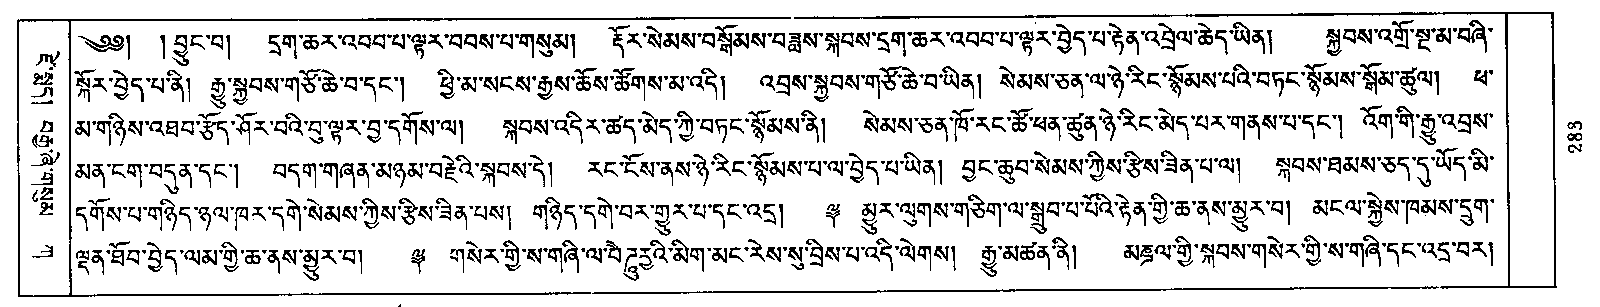༄༅། །བྱུང་བ། དྲག་ཆར་འབབ་པ་ལྟར་བབས་པ་གསུམ། རྡོར་སེམས་བསྒོམས་བཟླས་སྐབས་དྲག་ཆར་འབབ་པ་ལྟར་བྱེད་པ་རྟེན་འབྲེལ་ཆེད་ཡིན། སྐྱབས་འགྲོ་སྔ་མ་བཞི་
སྐོར་བྱེད་པ་ནི། རྒྱུ་སྐྱབས་གཙོ་ཆེ་བ་དང་། ཕྱི་མ་སངས་རྒྱས་ཆོས་ཚོགས་མ་འདི། འབྲས་སྐྱབས་གཙོ་ཆེ་བ་ཡིན། སེམས་ཅན་ལ་ཉེ་རིང་སྙོམས་པའི་བཏང་སྙོམས་སྒོམ་ཚུལ། ཕ་
མ་གཉིས་འཐབ་རྩོད་ཤོར་བའི་བུ་ལྟར་བྱ་དགོས་ལ། སྐབས་འདིར་ཚད་མེད་ཀྱི་བཏང་སྙོམས་ནི། སེམས་ཅན་ཁོ་རང་ཚོ་ཕན་ཚུན་ཉེ་རིང་མེད་པར་གནས་པ་དང་། འོག་གི་རྒྱུ་འབྲས་
མན་ངག་བདུན་དང་། བདག་གཞན་མཉམ་བརྗེའི་སྐབས་དེ། རང་ངོས་ནས་ཉེ་རིང་སྙོམས་པ་ལ་བྱེད་པ་ཡིན། བྱང་ཆུབ་སེམས་ཀྱིས་རྩིས་ཟིན་པ་ལ། སྐབས་ཐམས་ཅད་དུ་ཡོད་མི་
དགོས་པ་གཉིད་ཉལ་ཁར་དགེ་སེམས་ཀྱིས་རྩིས་ཟིན་པས། གཉིད་དགེ་བར་གྱུར་པ་དང་འདྲ། ༈ མྱུར་ལུགས་གཅིག་ལ་སྒྲུབ་པ་པོའི་རྟེན་གྱི་ཆ་ནས་མྱུར་བ། མངལ་སྐྱེས་ཁམས་དྲུག་
ལྡན་ཐོབ་བྱེད་ལམ་གྱི་ཆ་ནས་མྱུར་བ། ༈ གསེར་གྱི་ས་གཞི་ལ་བཻཌཱུརྱའི་མིག་མང་རེས་སུ་བྲིས་པ་འདི་ལེགས། རྒྱུ་མཚན་ནི། མཎྜལ་གྱི་སྐབས་གསེར་གྱི་ས་གཞི་དང་འདྲ་བར།